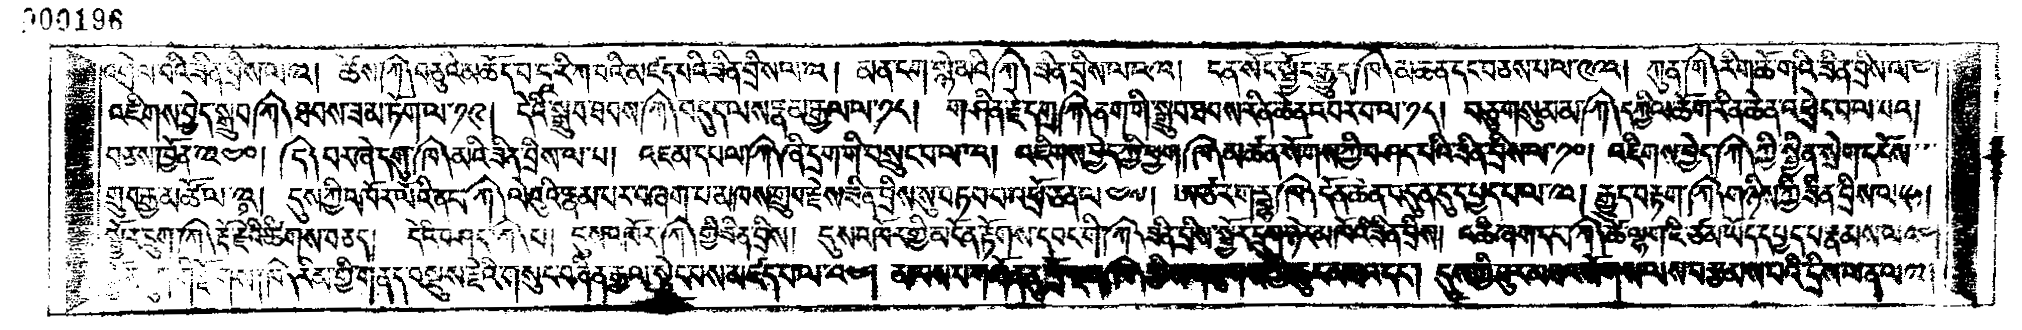འགྲེལ་བའི་ཟིན་བྲིས་ལ ༣། ཚེས ༼ཀ༽ བཅུའི་མཆོད་པ་དཱ་རི་ཀ་བའི་མཛད་པའི་ཟིན་བྲིས་ལ ༣། མན་ངག་སྙེ་མའི ༼ཀ༽ ཟིན་བྲིས་ལ ༢༣། ངན་སོང་སྦྱོང་རྒྱུད ༼ཁ༽ མཆན་དང་བཅས་པ་ལ ༩༣། ཀུན ༼ཀ༽ རིག་ཆོ་གའི་ཟིན་བྲིས་ལ ༤།
འཇིགས་བྱེད་སྒྲུབ ༼ཀ༽ ཐབས་ཟ་མ་ཏོག་ལ ༡༩། དེའི་སྒྲུབ་ཐབས ༼ཀ༽ བདུད་ལས་རྣམ་རྒྱལ་ལ ༡༨། གཤིན་རྗེ་དགྲ ༼ཀ༽ ནག་གི་སྒྲུབ་ཐབས་རིན་ཆེན་འབར་བ་ལ ༡༨། བཅུ་གསུམ་མ ༼ཀ༽ དཀྱིལ་ཆོག་རིན་ཆེན་འཕྲེང་བ་ལ ༥༢།
བཅས་ཁྱོན ༣༤༠། ༼ད༽ པར་ཞེ་དགུ ༼ཁ༽ མའི་ཟིན་བྲིས་ལ ༥། འཇམ་དཔལ ༼ཀ༽ ཞི་དྲག་གི་བསྲུང་བ་ལ ༣། འཇིགས་བྱེད་ཀྱི་ཕྱག ༼ཁ༽ མཚན་སོགས་ཀྱི་བཤད་པའི་ཟིན་བྲིས་ལ ༡༠། འཇིགས་བྱེད ༼ཀ༽ ཀྱི་སྦྱིན་སྲེག་དངོས་
གྲུབ་རྒྱ་མཚོ་ལ ༣། དུས་ཀྱི་འཁོར་ལོའི་ནང ༼ཀ༽ ལེའུའི་རྣམ་པར་བཞག་པ་མཁས་གྲུབ་རྗེས་ཟིན་བྲིས་སུ་བཏབ་པ་འཕྲོ་ཅན་ལ ༤༧། ཨ་ཙ་ར་གརྒྷ ༼ཁ༽ དོན་ཆེན་བདུན་དུ་དཔྱད་པ་ལ ༣། རྒྱུད་བརྟག ༼ཀ༽ གཉིས་ཀྱི་ཟིན་བྲིས་ལ ༨༧།
སྦྱོར་དྲུག ༼ཀ༽ རྡོ་རྗེའི་ཚིགས་བཅད། དེའི་བཤད ༼ཀ༽ པ། དུས་འཁོར ༼ཀ༽ གྱི་ཟིན་བྲིས། དུས་འཁོར་གྱི་མངོན་རྟོགས་དབང་གི ༼ཀ༽ ཟིན་བྲིས་སྦྱོར་དྲུག་ཉེར་མཁོའི་ཟིན་བྲིས། འཆི་ཞག་དང ༼ཀ༽ ཚེ་ལྷག་ཇི་ཙམ་ཡོད་དཔྱད་པ་རྣམས་ལ ༢༤།
སྦྱོར་དྲུག་གི་རྫོགས ༼ཁ༽ རིམ་གྱི་གནད་བསྡུས་རྗེའི་གསུང་བཞིན་རྒྱལ་སྟེང་པས་མཛད་པ་ལ ༢༤། མཁས་པ་གཞོན་ནུ་བློ་ལྡན ༼ཁ༽ གྱིས་གཟུགས་ཀྱི་ཆུང་མཐའ་དང་། དུས་ཀྱི་ཐུར་མཐའ་སོགས་ལས་བརྩམས་པའི་དྲིས་ལན་ལ ༣།